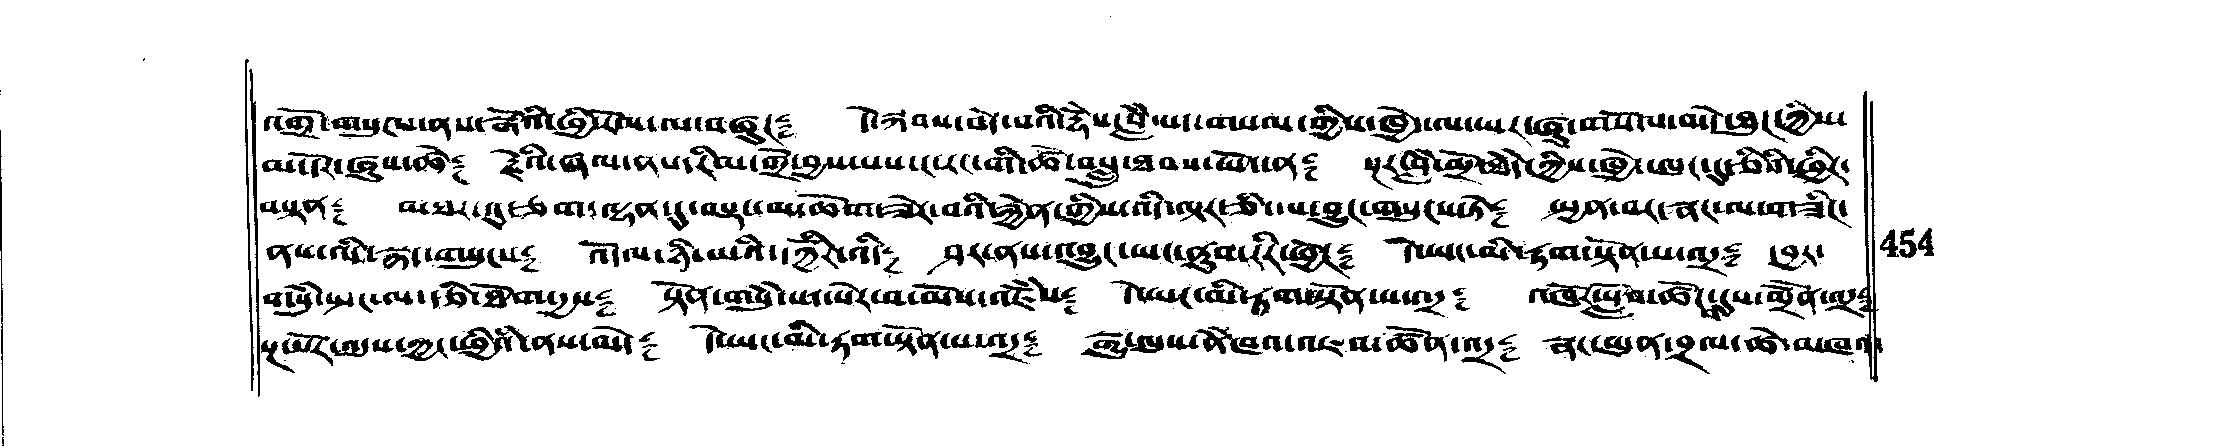འགྲོ་གསུངས་ནས་སྒོའི་ཕྱི་རོལ་ལ་བཞུགས། དེ་སྐབས་བདེ་བའི་རྡོ་རྗེས་བླ་མ་པད་གསལ་གྱིས་ཁྱེད་ལ་ཡར་ཞུ་གསོལ་བ་དེ་ཐུགས་ཀྱིས་
མ་དོར་ཞུས་ཚེ། རྗེའི་ཞལ་ནས་རིམ་གྲོ་བྱས་པས་ང་རང་གི་ཚེ་བསླུ་ཐབས་ཡོད་ན། སྔར་བླ་མ་མཁའ་འགྲོ་ཐམས་ཅད་ཀྱིས་ཁྱེད་ལུང་དུ་ཅིའི་ཕྱིར་
བསྟན། མཐར་འུ་ཅག་ལྷན་དུ་བསྡད་མ་ཆོག་ཟེར་བའི་རྐྱེན་གྱིས་འདི་ལྟར་ཅི་ལ་བྱུང་གསུངས་ཏེ། སྤྱན་བར་སྣང་ལ་གཟིགས་
ནས་འདི་སྐད་གསུངས། འོད་གསལ་ཉི་མའི་དཀྱིལ་འཁོར་འདི། །ཤར་ནས་བྱུང་ཡང་ནུབ་རིར་ཕྱོགས། །དེ་ཡང་མི་རྟག་སྟོན་པ་འདྲ། །དབྱར་
གསུམ་སྤང་ལ་རྩི་ཐོག་རྒྱས། །སྟོན་གསུམ་སད་སེར་བ་མོས་འཇོམས། །དེ་ཡང་མི་རྟག་སྟོན་པ་འདྲ། །འཁོར་སློབ་ཚོང་འདུས་མགྲོན་པོ་འདྲ། །
སྔ་སོར་འདུས་ཀྱང་ཕྱིའི་ནས་མེད། །དེ་ཡང་མི་རྟག་སྟོན་པ་འདྲ། །སྒྱུ་ལུས་ནམ་མཁའ་འཇའ་ཚོན་འདྲ། །སྣང་མུན་བྲལ་ཚེ་མཁའ་